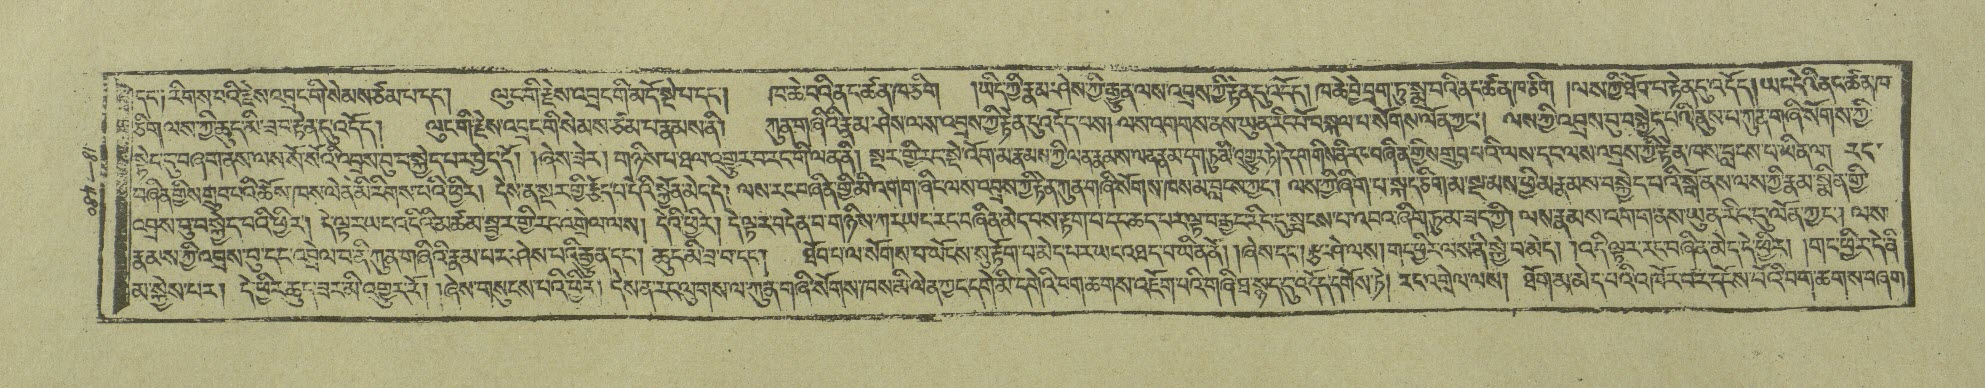དང་། རིགས་པའི་རྗེས་འབྲང་གི་སེམས་ཙམ་པ་དང་། ལུང་གི་རྗེས་འབྲང་གི་མདོ་སྡེ་པ་དང་། ཁ་ཆེ་བའི་ནང་ཚན་ཁ་ཅིག །ཡིད་ཀྱི་རྣམ་ཤེས་ཀྱི་རྒྱུན་ལས་འབྲས་ཀྱི་རྟེན་དུ་འདོད། ཁ་ཆེ་བྱེ་བྲག་ཏུ་སྨྲ་བའི་ནང་ཚན་ཁ་ཅིག །ལས་ཀྱི་ཐོབ་པ་རྟེན་དུ་འདོད། ཡང་དེའི་ནང་ཚན་ཁ་
ཅིག་ལས་ཀྱི་ཆུད་མི་ཟ་བ་རྟེན་དུ་འདོད། ལུང་གི་རྗེས་འབྲང་གི་སེམས་ཙམ་པ་རྣམས་ནི། ཀུན་གཞིའི་རྣམ་ཤེས་ལས་འབྲས་ཀྱི་རྟེན་དུ་འདོད་པས། ལས་འགགས་ནས་ཡུན་རིང་པོ་བསྐལ་པ་སོགས་ལོན་ཀྱང་། ལས་ཀྱི་འབྲས་བུ་བསྐྱེད་པའི་ནུས་པ་ཀུན་གཞི་སོགས་ཀྱི་
སྟེང་དུ་བཞག་ནས་ལས་སོ་སོའི་འབྲས་བུ་བསྐྱེད་པར་བྱེད་དོ། །ཞེས་ཟེར། གཉིས་པ་ཐལ་འགྱུར་བ་རང་གི་ལན་ནི། སྔར་གྱི་རང་སྡེ་འོག་མ་རྣམས་ཀྱི་ལན་རྣམས་ལན་རྣམ་དག་ཏུ་མི་འགྱུར་ཏེ། དེ་དག་གིས་ནི་རང་བཞིན་གྱིས་གྲུབ་པའི་ལས་དང་ལས་འབྲས་ཀྱི་རྟེན་ཁས་བླངས་པ་ཡིན་ལ། རང་
བཞིན་གྱིས་གྲུབ་པའི་ཆོས་ཁས་ལེན་མི་རིགས་པའི་ཕྱིར། དེས་ན་སྔར་གྱི་རྩོད་པ་དེའི་སྐྱོན་མེད་དེ། ལས་རང་བཞིན་གྱི་མི་འགག་ཞིང་ལས་འབྲས་ཀྱི་རྟེན་ཀུན་གཞི་སོགས་ཁས་མ་བླངས་ཀྱང་། ལས་ཀྱི་ཞིག་པ་སྐད་ཅིག་མ་སྔ་མས་ཕྱི་མ་རྣམས་བསྐྱེད་པའི་སྒོ་ནས་ལས་ཀྱི་རྣམ་སྨིན་གྱི་
འབྲས་བུ་བསྐྱེད་པའི་ཕྱིར། དེ་ལྟར་ཡང་འདིའི་མཚམ་སྦྱར་གྱི་རང་འགྲེལ་ལས། དེའི་ཕྱིར། དེ་ལྟར་བདེན་པ་གཉིས་ཀར་ཡང་རང་བཞིན་མེད་པས་རྟག་པ་དང་ཆད་པར་ལྟ་བ་རྒྱང་རིང་དུ་སྤངས་པ་འབའ་ཞིག་ཏུ་མ་ཟད་ཀྱི། ལས་རྣམས་འགག་ནས་ཡུན་རིང་དུ་ལོན་ཀྱང་། ལས་
རྣམས་ཀྱི་འབྲས་བུ་དང་འབྲེལ་བ་ནི་ཀུན་གཞིའི་རྣམ་པར་ཤེས་པའི་རྒྱུན་དང་། ཆུད་མི་ཟ་བ་དང་། ཐོབ་པ་ལ་སོགས་པ་ཡོངས་སུ་རྟོག་པ་མེད་པར་ཡང་འཐད་པ་ཡིན་ནོ། །ཞེས་དང་། རྩ་ཤེ་ལས། གང་ཕྱིར་ལས་ནི་སྐྱེ་བ་མེད། །འདི་ལྟར་རང་བཞིན་མེད་དེ་ཕྱིར། །གང་ཕྱིར་དེ་ནི་
མ་སྐྱེད་པར། དེ་ཕྱིར་ཆུད་ཟར་མི་འགྱུར་རོ། །ཞེས་གསུངས་པའི་ཕྱིར། དེས་ན་རང་ལུགས་ལ་ཀུན་གཞི་སོགས་ཁས་མི་ལེན་ཀྱང་དགེ་མི་དགེའི་བག་ཆགས་འཇོག་པའི་གཞི་ཐ་སྙད་དུ་འདོད་དགོས་ཏེ། རང་འགྲེལ་ལས། ཐོག་མ་མེད་པའི་འཁོར་བར་དངོས་པོའི་བག་ཆགས་བཞག་